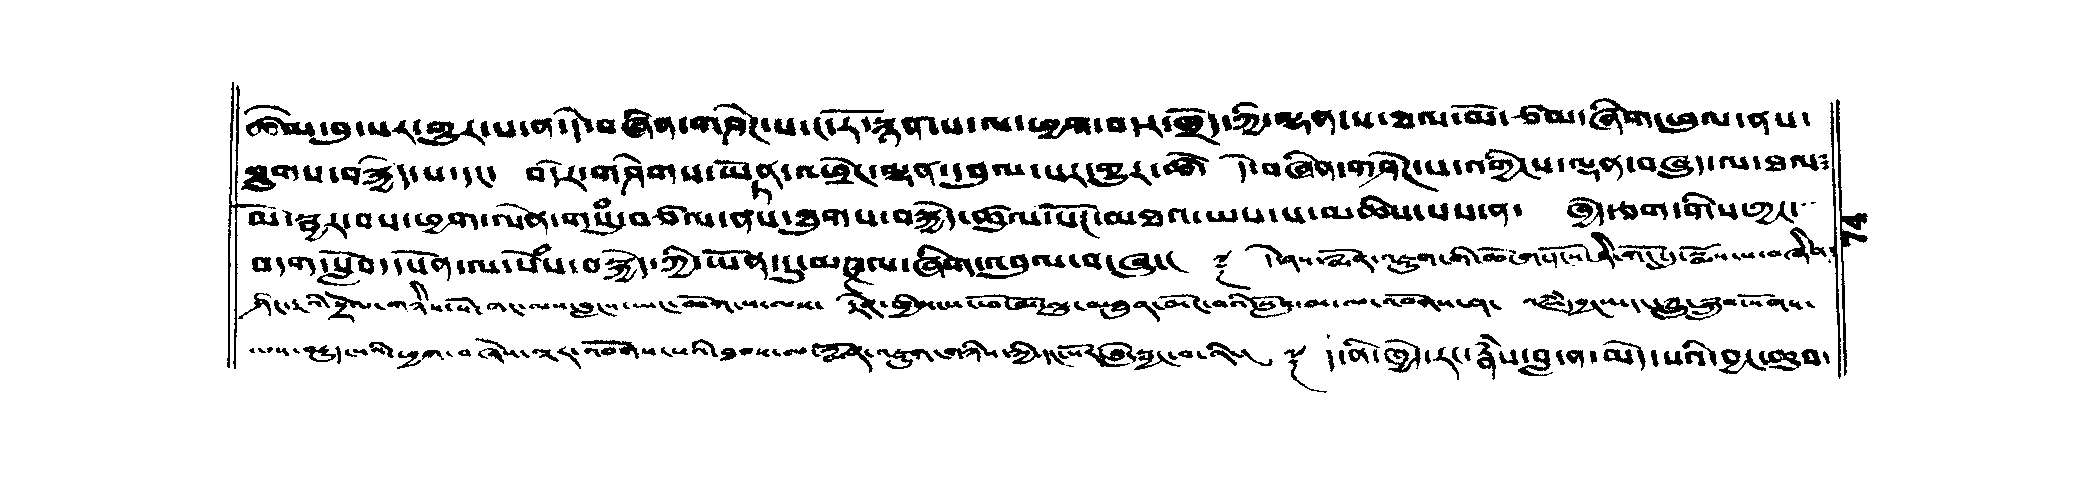ཚེམ་བུ་སར་གྱུར་པ་ན་དེ་བཞིན་གཤེགས་པ་ང་རོ་སྙན་པ་ལ་ཕྱག་བདར་ཁྲོད་ཀྱི་ལྷན་པ་ཐལ་མོ་ཙམ་ཞིག་ཕུལ་ནས་
ཐུགས་བསྐྱེད་པ་དང་། བདེ་གཤེགས་ཡོན་ཏན་འཕྲེང་ལྡན་དབུལ་པར་གྱུར་ཚེ། དེ་བཞིན་གཤེགས་པ་འགྱིངངས་ལྡན་བཞུད་ལ་ཐལ་
མོ་སྦྱར་བས་ཕྱག་ལེན་གསུམ་བཙལ་ནས་ཐུགས་བསྐྱེད་ཚུལ་སོགས་མཐའ་ཡས་པ་མཆིས་པས་ན། ཁྱེད་ཅག་གིས་ཀྱང་
བདག་སློབ་དཔོན་ལ་སེམས་བསྐྱེད་ཀྱི་ཡོན་དུ་མཎྜལ་ཞིག་འབུལ་བ་ཞུ།༈ དེ་ནས་སྨོན་འཇུག་གི་ཆོ་ག་དངོས་ནི་གོང་དུ་སྨོས་པ་བཞིན་
ཤིང་རྟའི་སྲོལ་གཉིས་པོ་གང་ལས་བླངས་ཡང་ཆོག་པ་ལས། རྟེན་ཁྱིམ་པ་ཕོ་མོ་ལྟ་བུ་མཐུན་མོང་བའི་སློབ་མ་ལ་འབོགས་ན། འཇམ་དབྱངས་དང་ཀླུ་སྒྲུབ་སོགས་
ལས་བརྒྱུད་པའི་ཕྱག་བཞེས་ལྟར་འབོགས་པའི་ཐབས་ལ་སྨོན་འཇུག་གཉིས་ཀྱི་དང་པོར་བློ་སྦྱང་བ་ནི། ༈ ད་ནི་ཁྱེད་རང་རྣམས་བླ་ན་མེད་པའི་བྱང་ཆུབ་